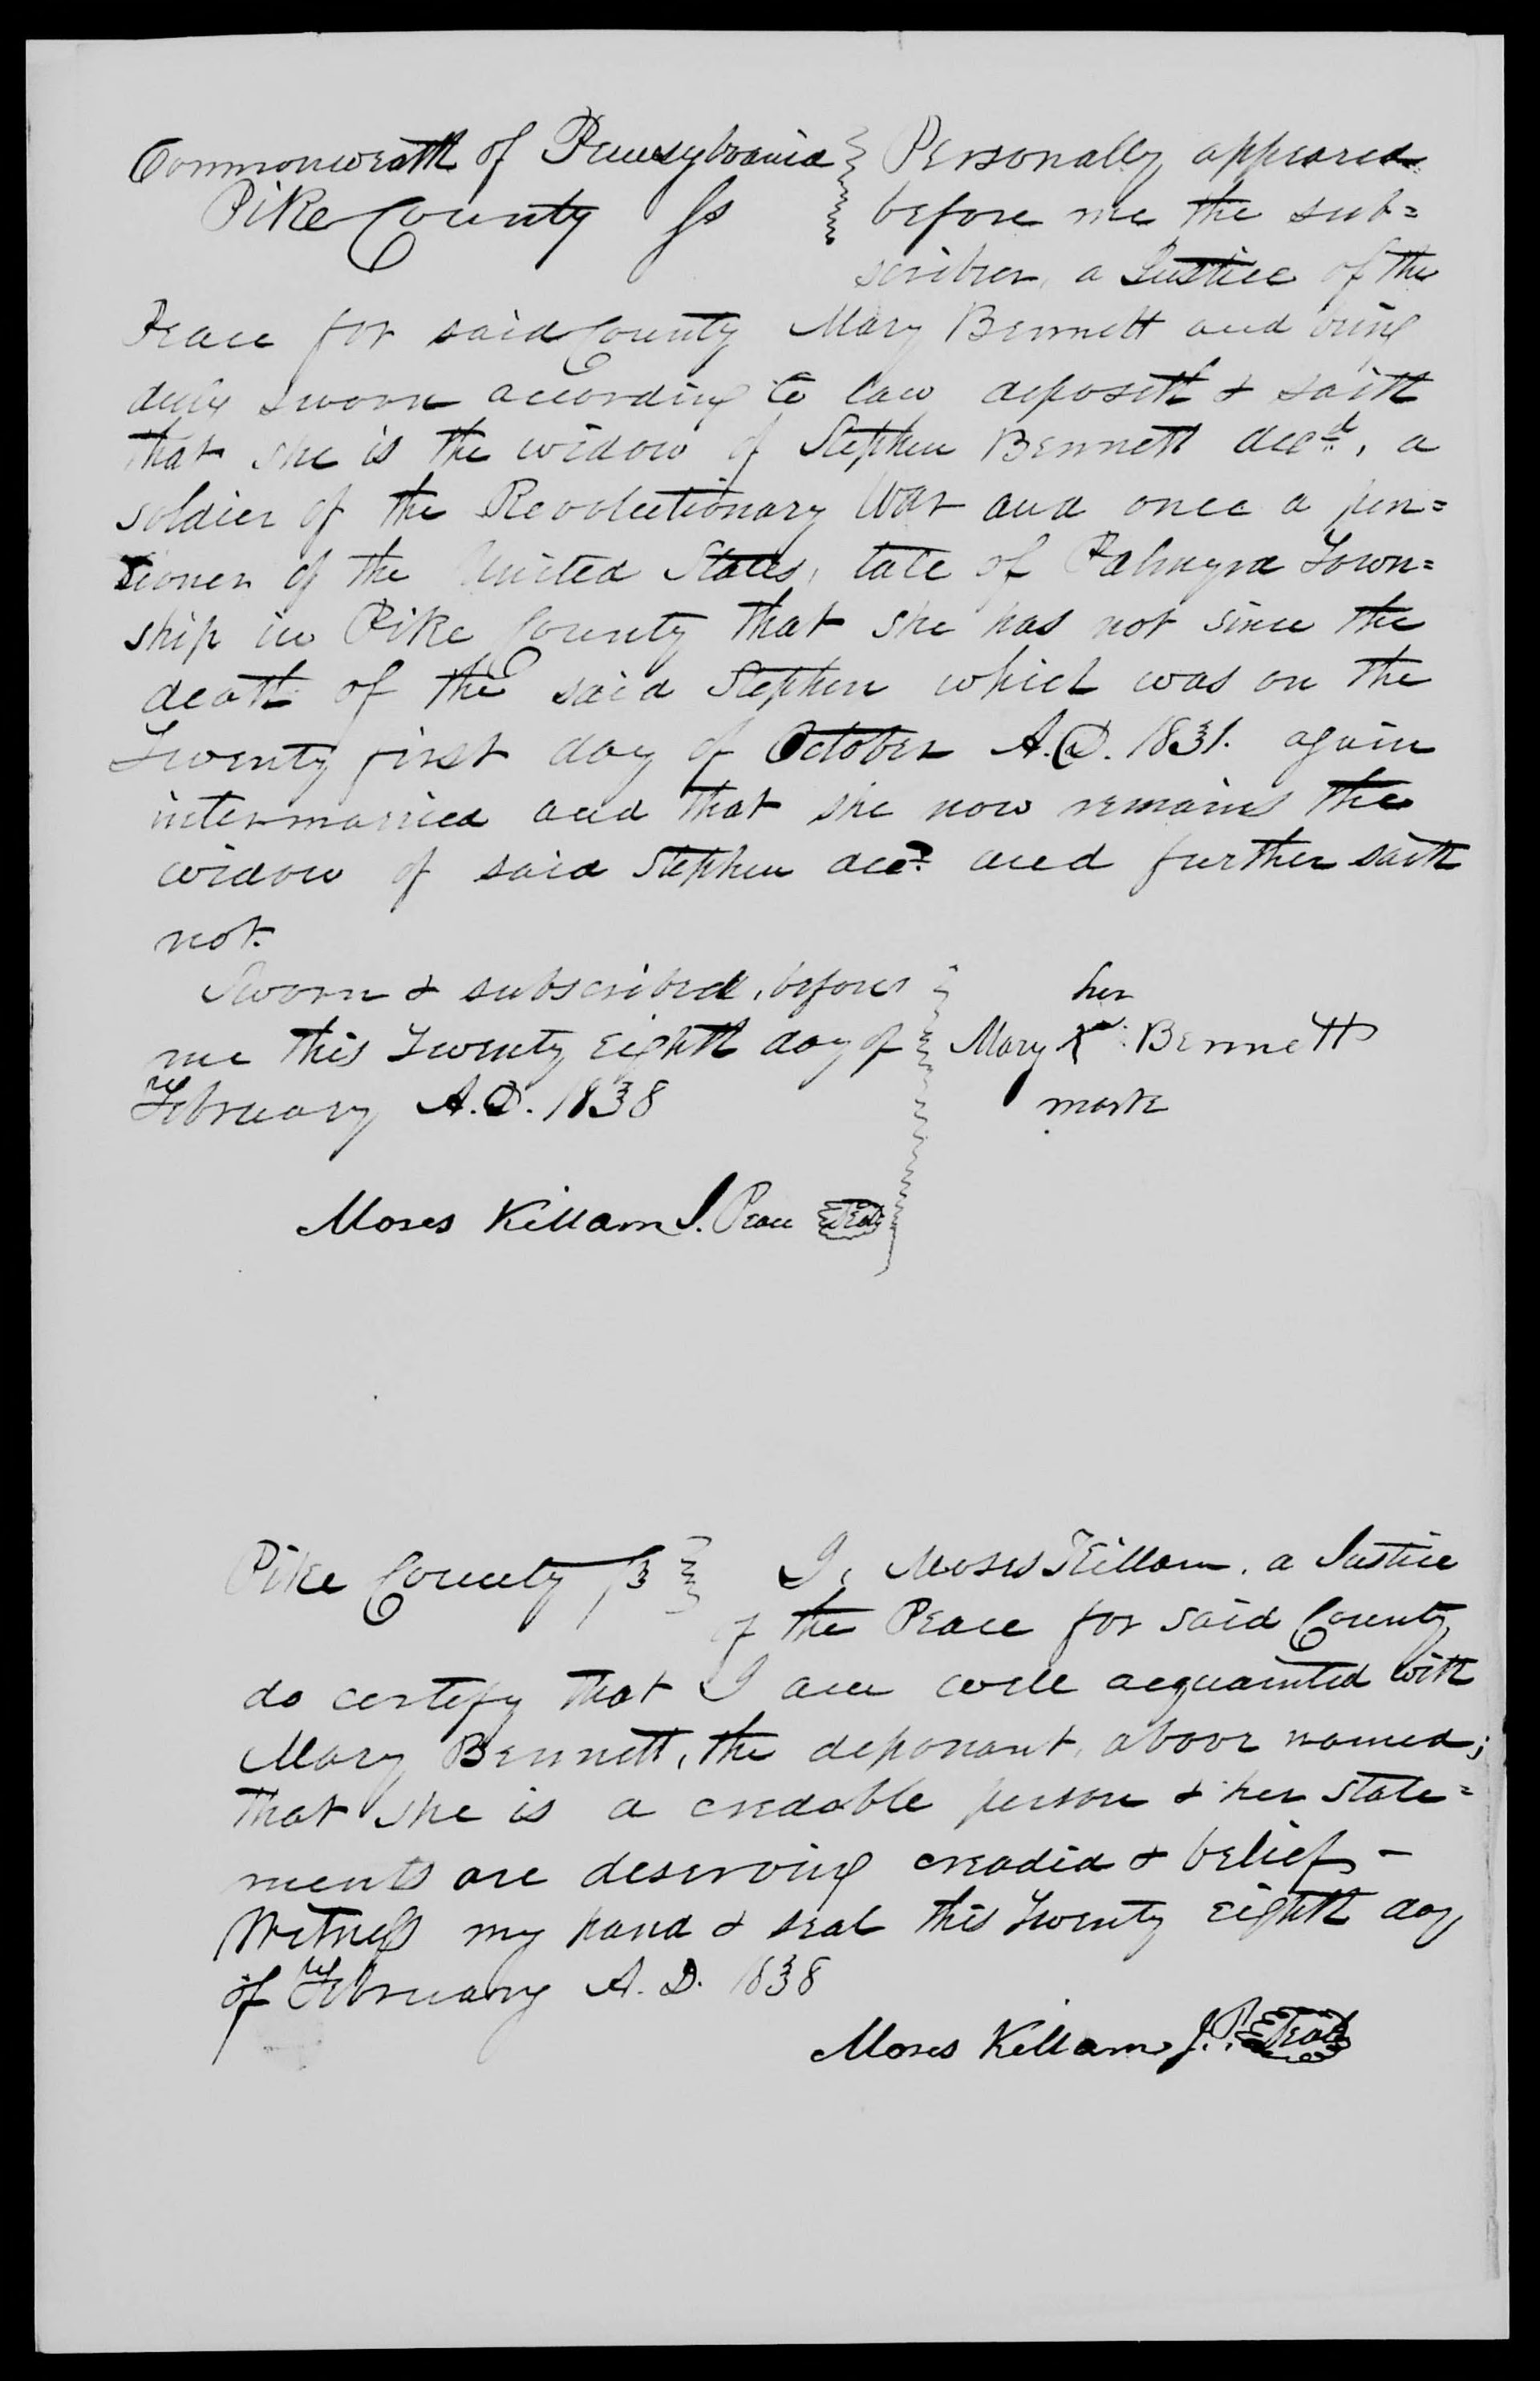Commonwealth of Pennsylvania
Pike County

Personally appeared before me the subscriber, a Justice of the Peace for said County Mary Bennett and being duly sworn according to law deposeth & saith that she is the widow of Stephen Bennett decd, a soldier of the Revolutionary war and once a pensioner of the United States, late of Palmyra Township in Pike County that she has not since the death of the said Stephen which was on the Twenty first day of October A.D. 1831 again intermarried and that she now remains the widow of said Stephen decd. and further saith not
Mary X Bennett her mark [signature]
Sworn & subscribed before me this Twenty eighth day of February A.D. 1838
Moses Killam J. Peace

Pike County  
I Moses Killam, a Justice of the Peace for said County, do certify that I am well acquainted with
Mary Bennett, the deponent, above named; that she is a credible person & her Statements are deserving [illegible] & belief-
Witness my hand & seal the Twenty eighth day of February A.D. 1838
Moses Killam J.P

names: Moses Killam, Moses Killam, Mary Bennett, Stephen, Mary Bennett, Stephen, Moses Killam, Mary Bennett, Stephen Bennett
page: 53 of 79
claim: widow's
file: W. 2,906, Stephen Bennet, Conn.